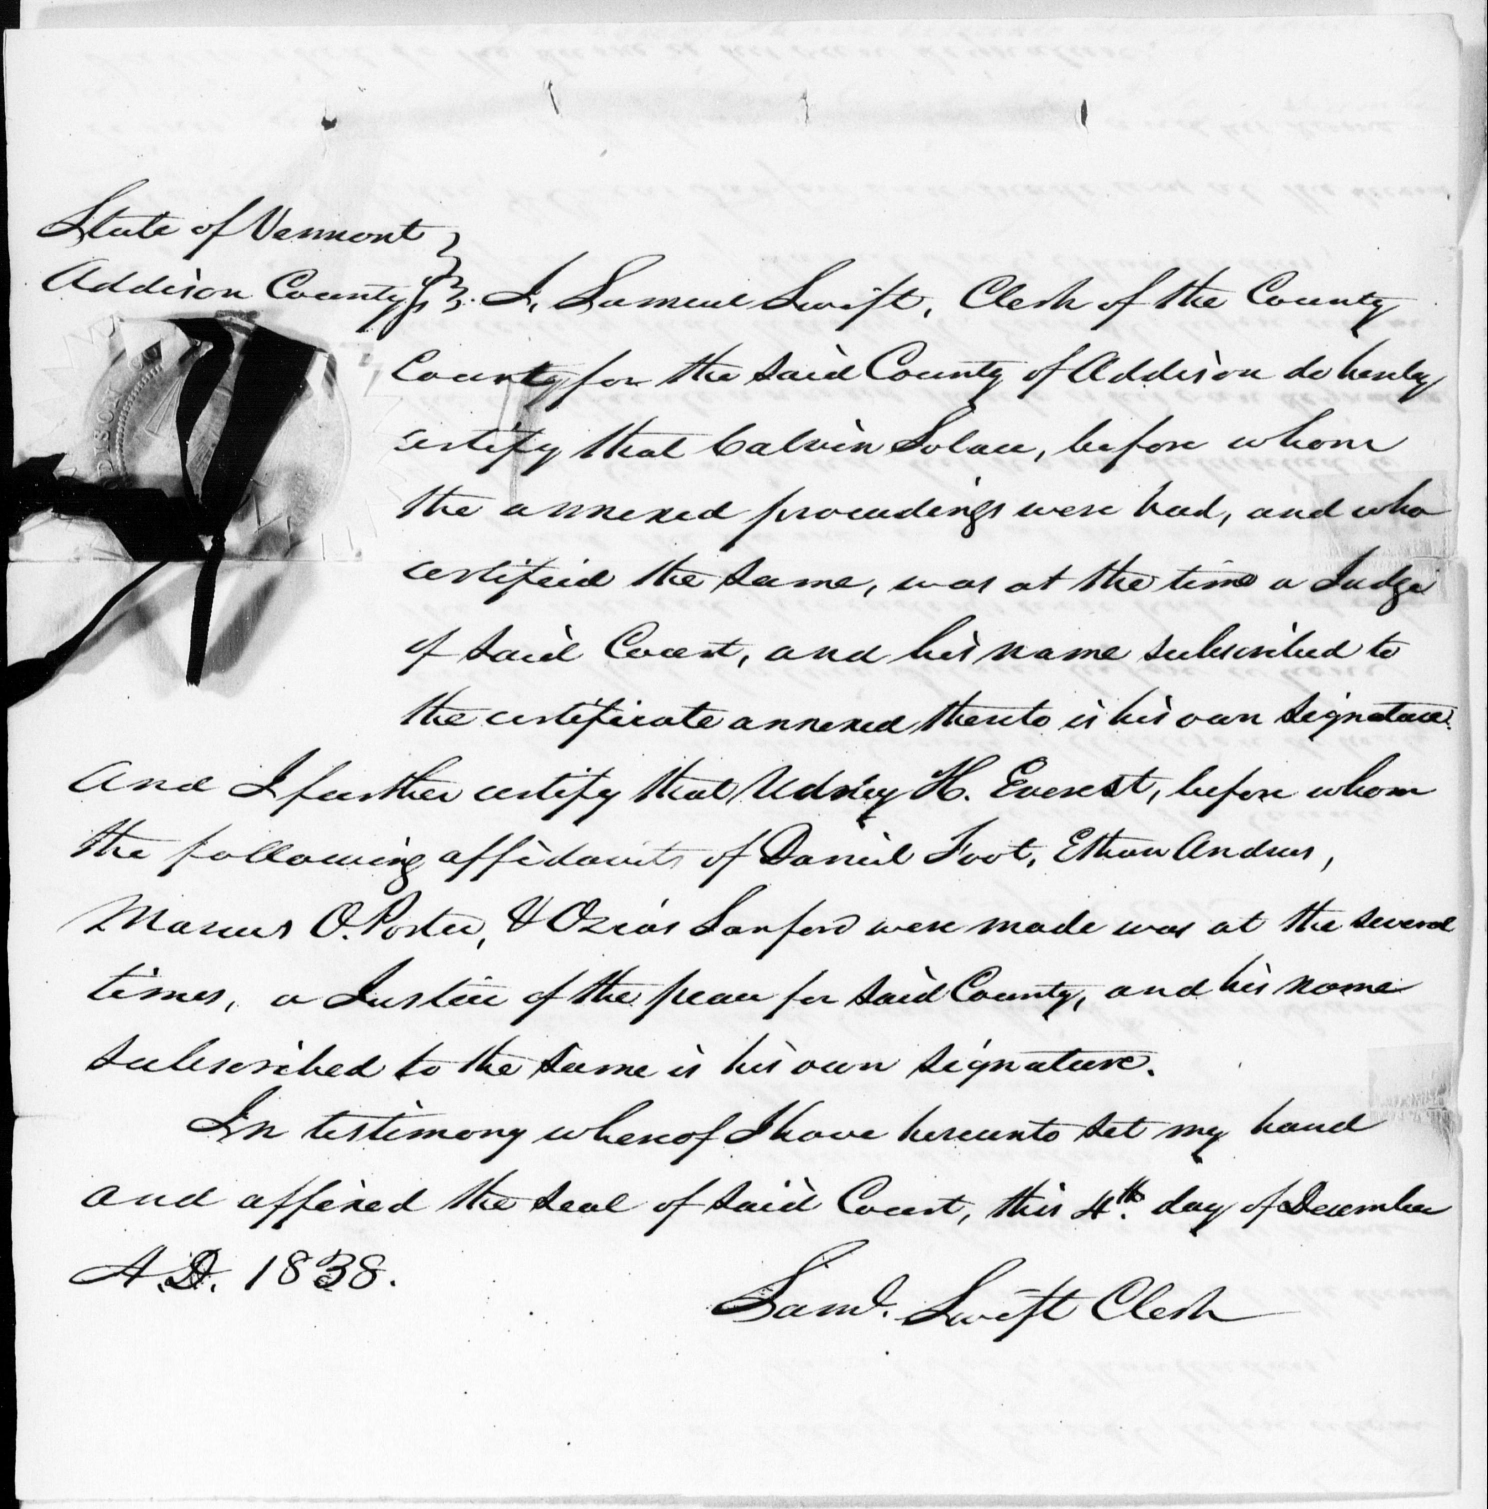State of Vermont}
Addison County }

I Samuel Swift, Clerk of the County
Count for the said County of Addison do hereby
certify that Calvin Solane, before whom the annexed proceedings were had, and who
certified the same, was at the time a Judge
of said Court, and his name subscribed to
the certificate annexed thereto in his own signature
And I further certify that Edny H. Everest, before whom the following affidavit of Daniel Feat, Ethan Andrews, Marcus P. Porter & Ozias Sanford  were made was at the several times, a Justice of the peace for said County, and his name
Subscribed to the same is his own signature.
In testimony whereof I have hereunto set my hand and affixed the seal of said Court, this 4th day of December A.D. 1838.
Saml Swift Clerk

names: Marcus O Porter, Daniel Foot, Ozias Sanford, Samuel Swift, Udney H Everest, Saml Swift, Ethan Andrus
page: 23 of 27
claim: rejected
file: R. 223, Eldad Andrus, Vt.